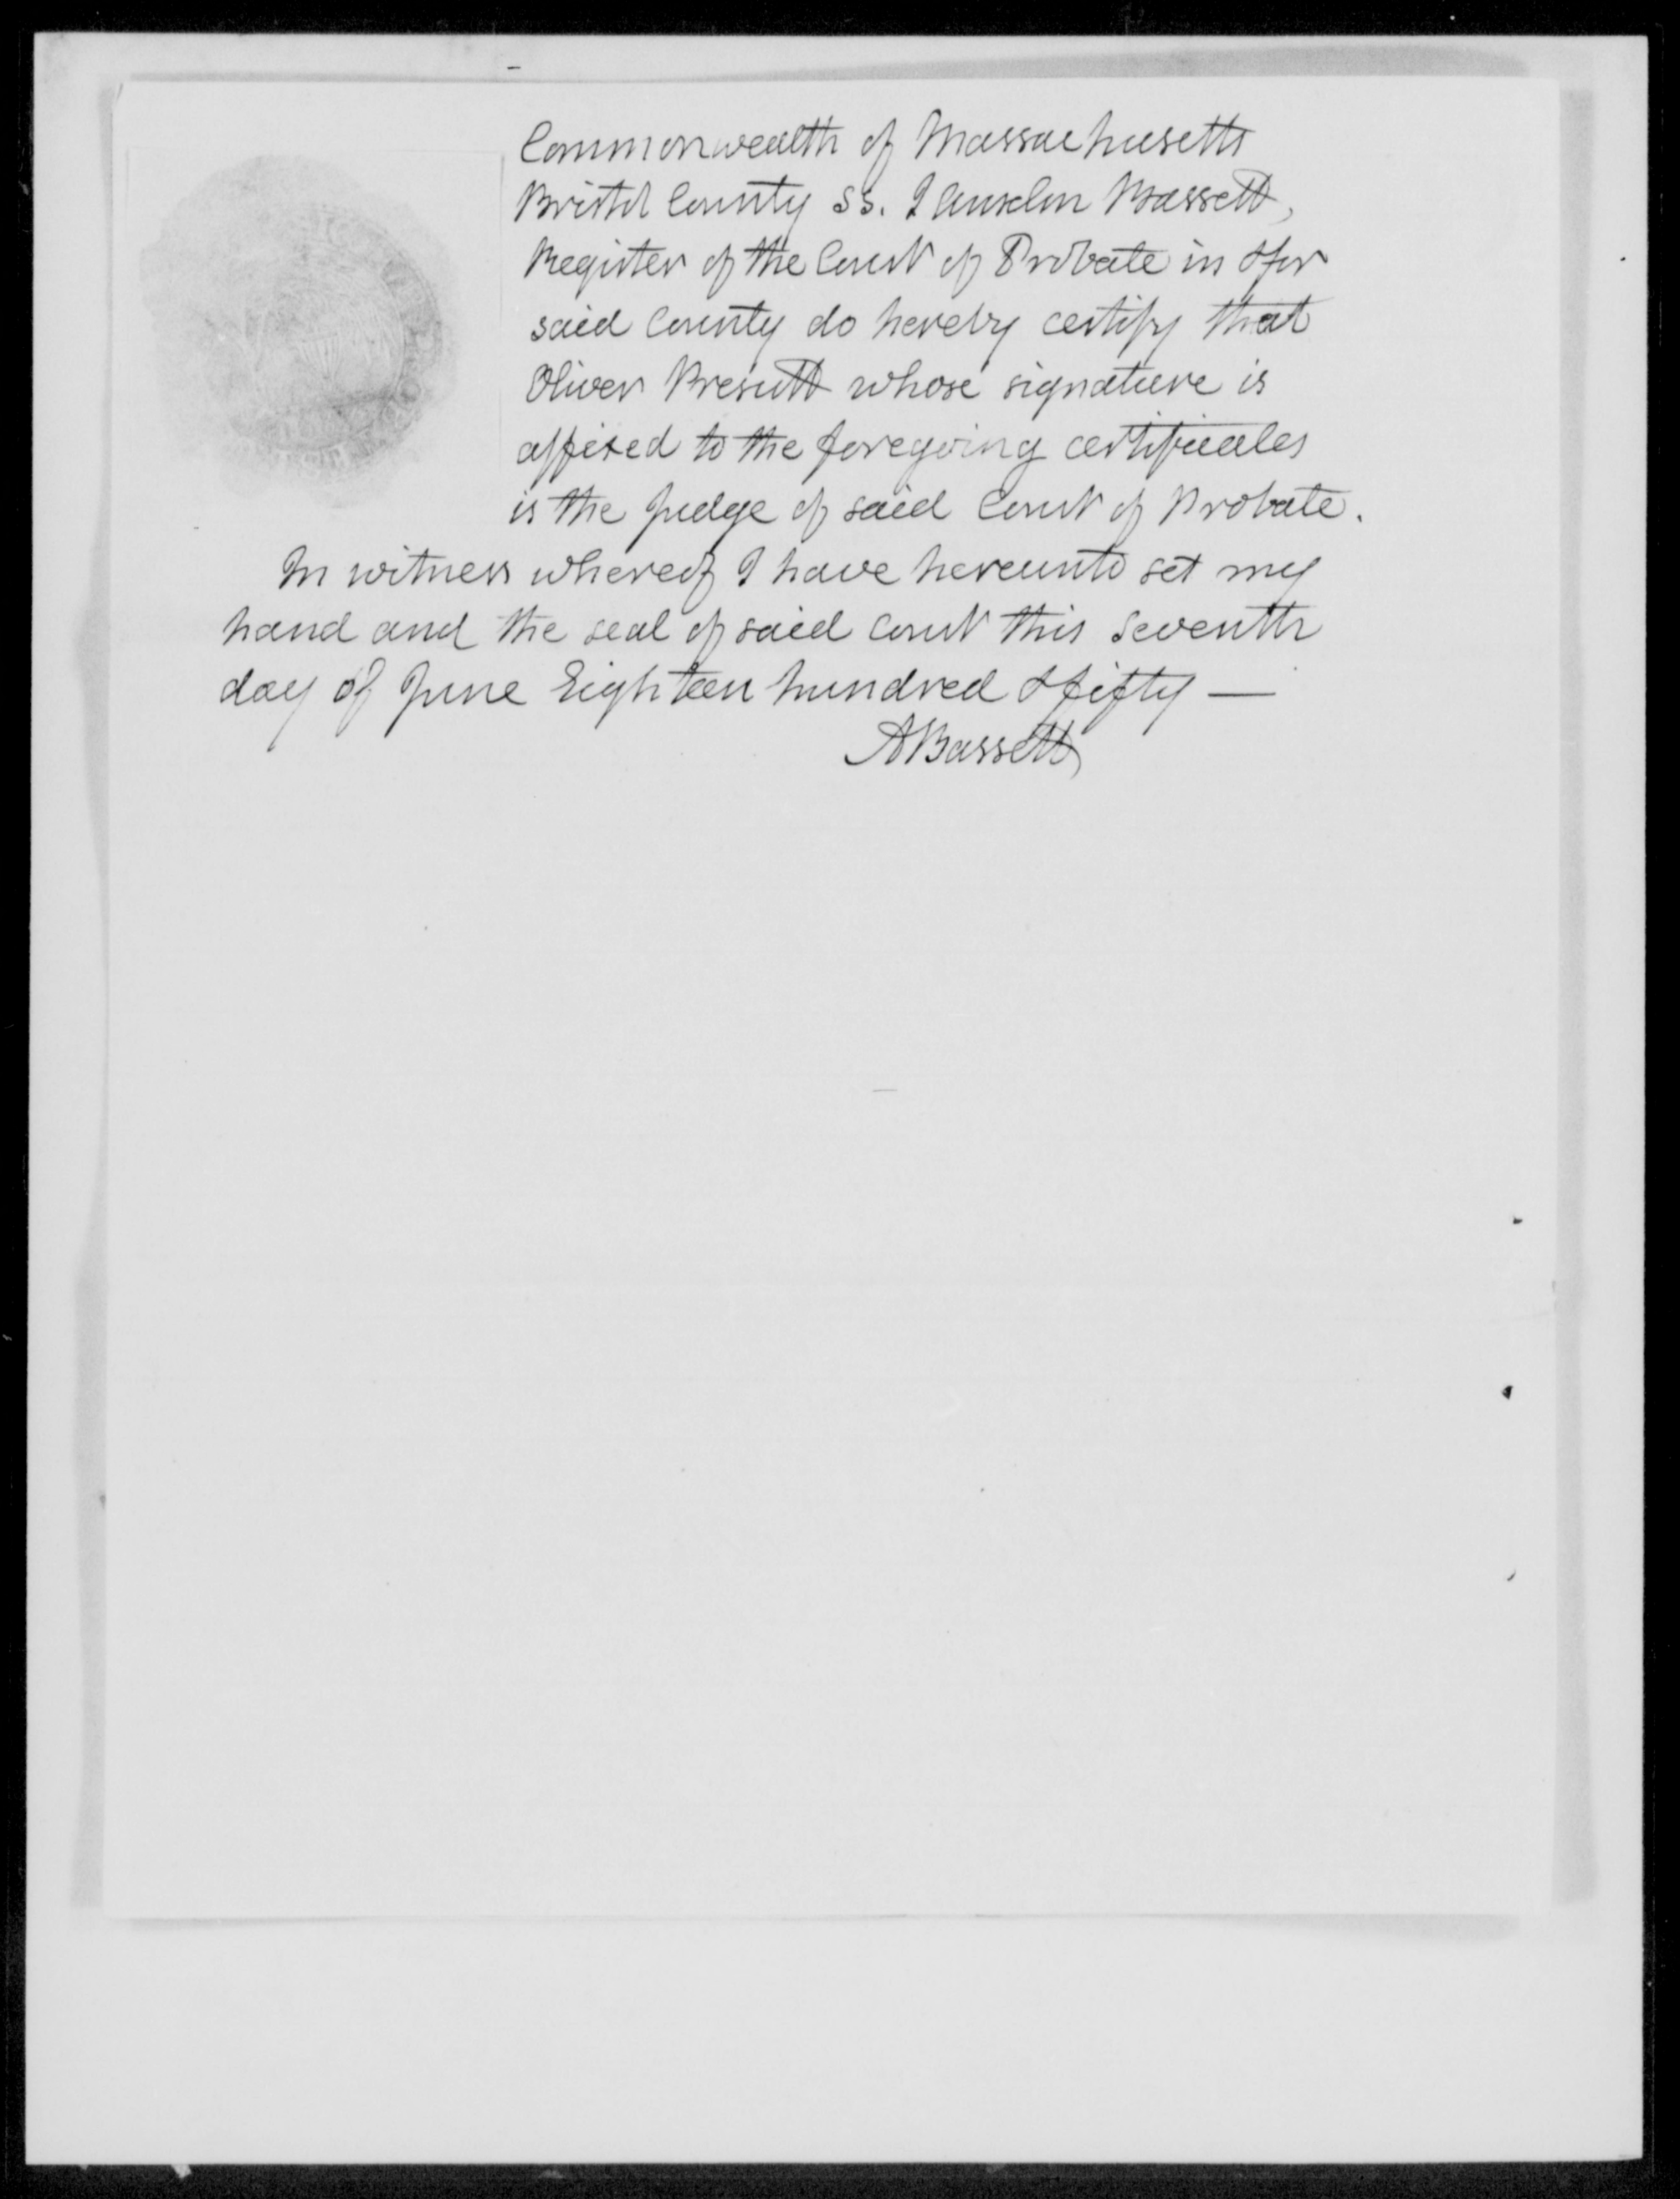Commonwealth of Massachusetts 
  Bristol County ss. 

  I Anselm Bassett, Register of the eCourt of Probate in  & for said county do hereby certify that Oliver Prescott whose signature is affixed to the foregoing certificates is the Judge of said Court of Probate.
  In witness whereof I have hereunto set my hand and the seal of said court this seventh day of June Eighteen hundred & fifty-
            a Bassett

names: Anselm Bassett, A Bassett, Oliver Prescott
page: 10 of 34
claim: widow's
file: W. 1677, Isaac Washburn, Mass.